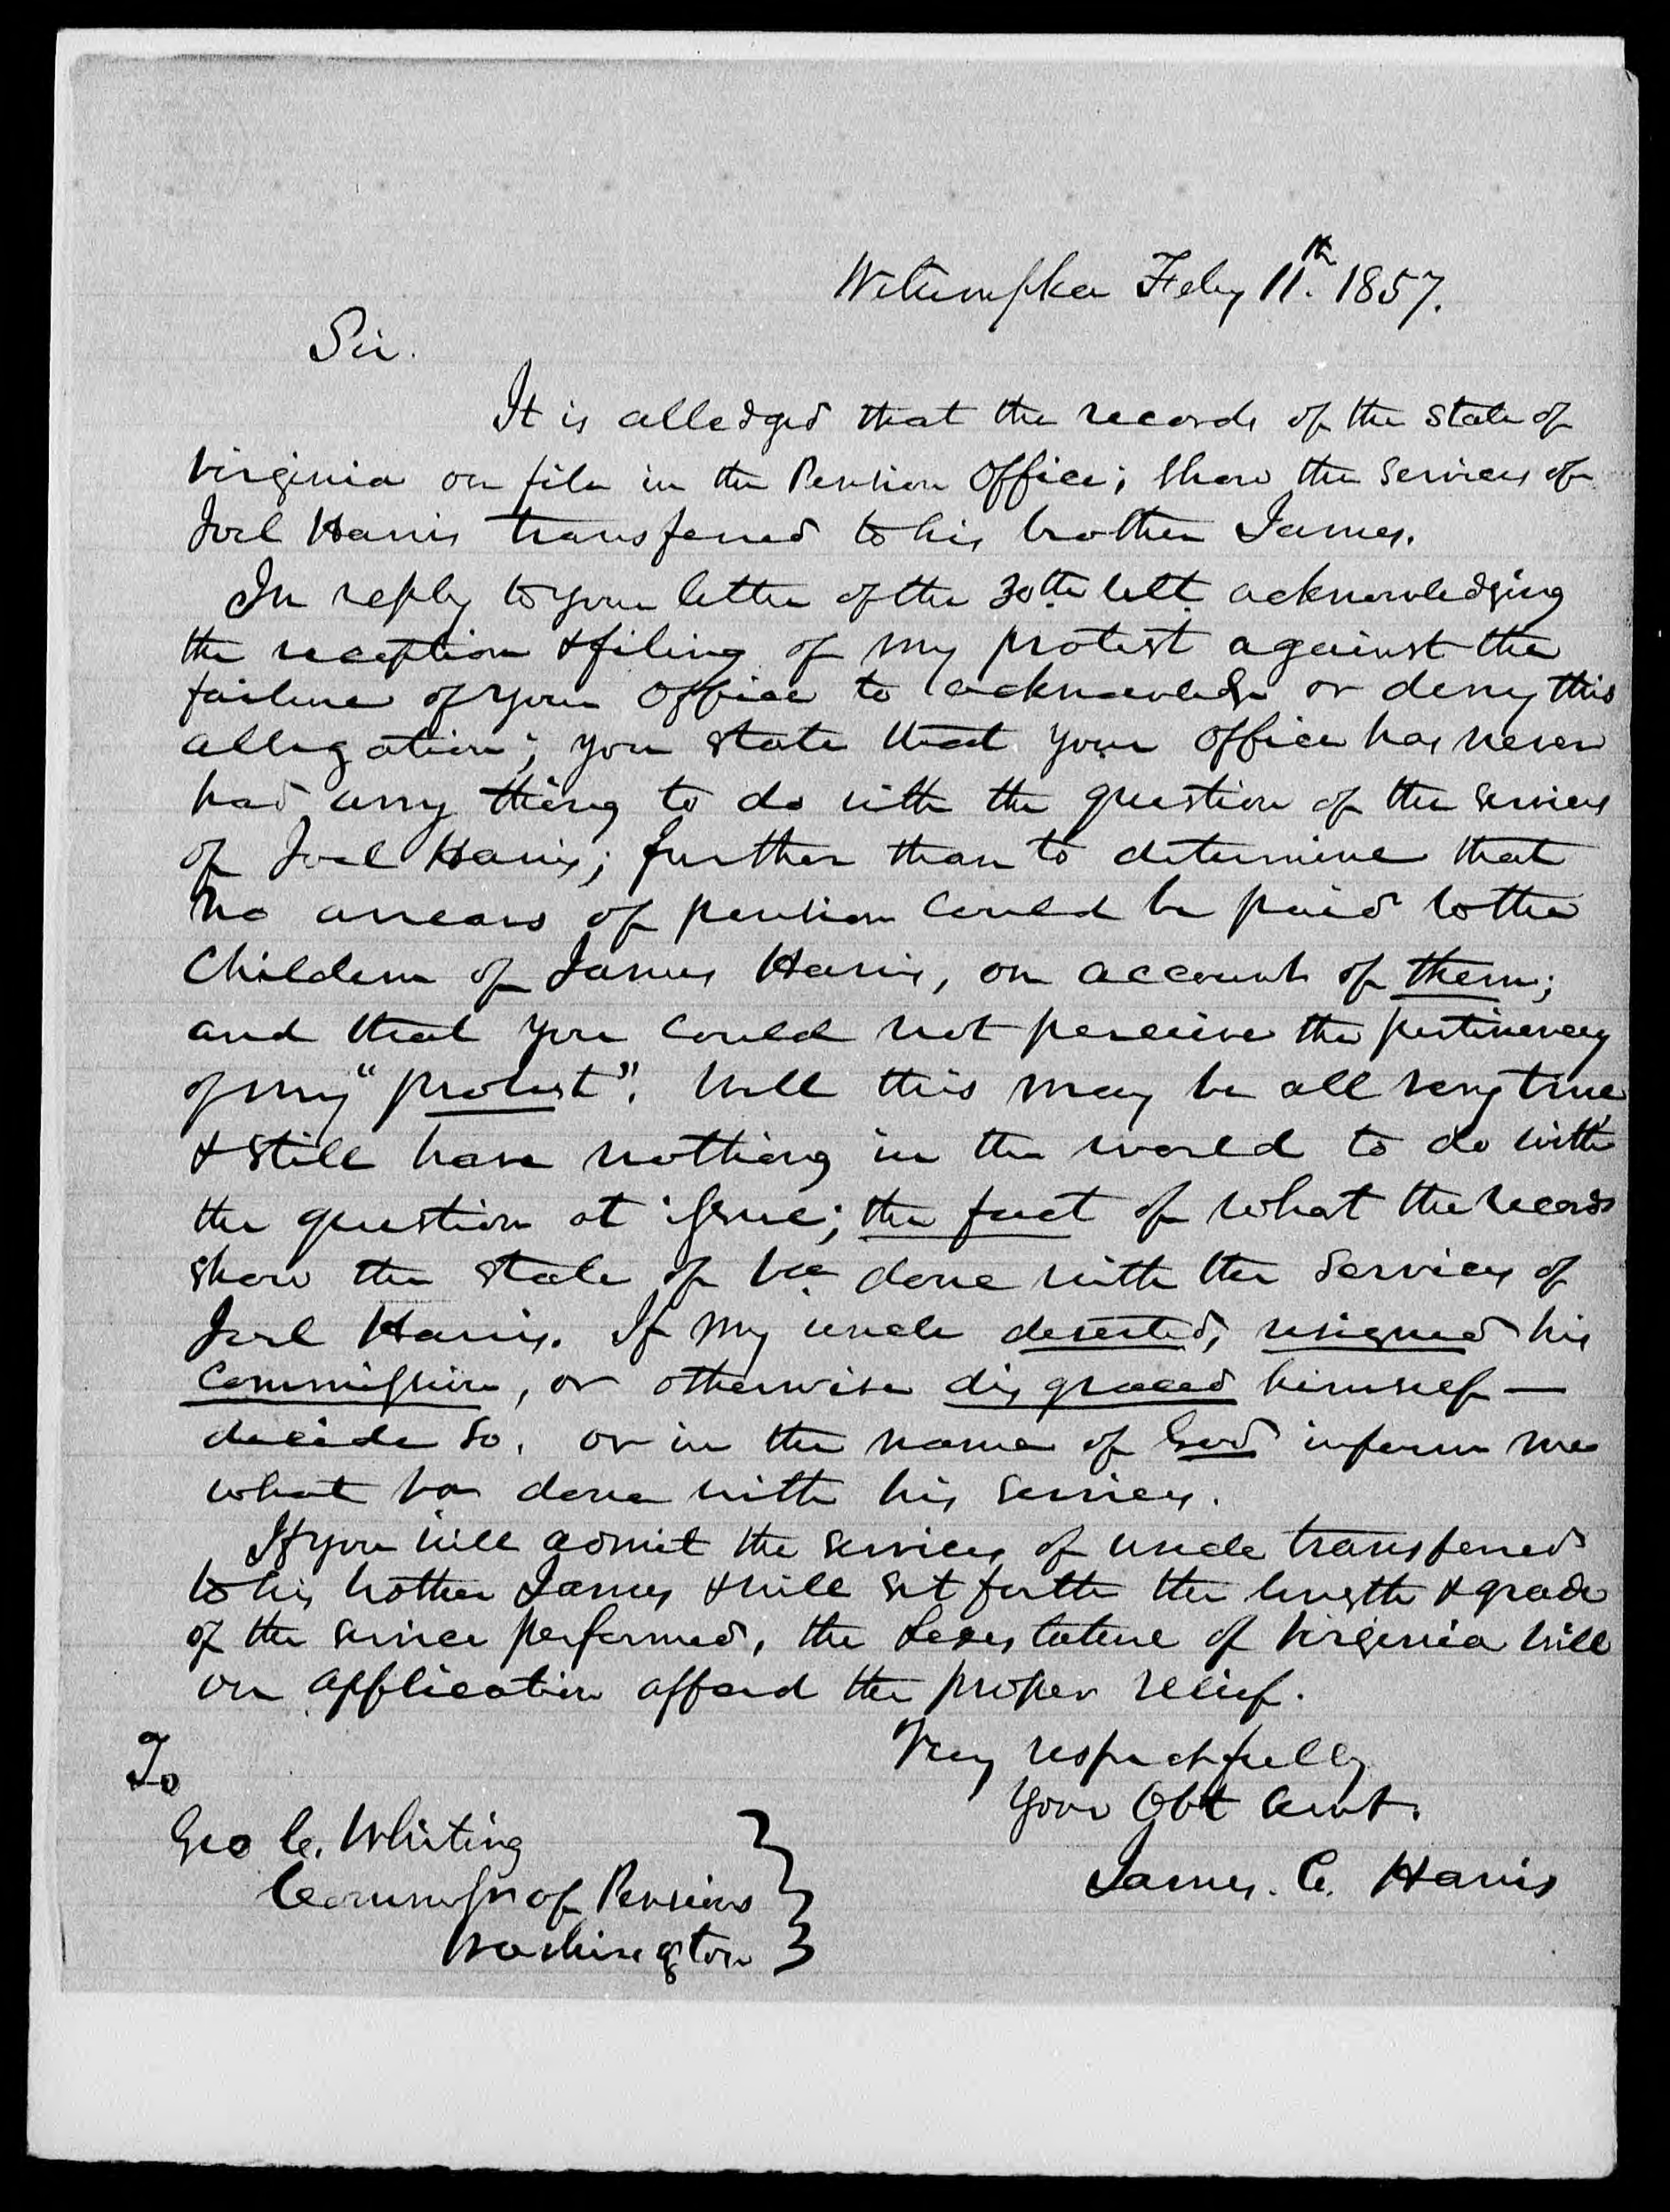Wetumpka  Feby 11th 1857
Sir
   It is alledged that the records of the state of Virginia on file in the Pension Office show the services of Joel Harris transferred to his brother James.
   In reply to your letter of the 30th last acknowledging the reception & filing of my protest against the failure of your office to acknowledge or deny this allegation; you state that your office has never had any thing to do with the question of the service of Joel Harris; further than to determine that no arrears of pension could be paid to the Children of James Harris, on account of them; and that you could not perceive the pertinency of my "protest.'  Well this may be all very true & still have nothing in the world to do with the question at issue; the fact of what the records show the state of Va done with the service of Joel Harris.  If my uncle deserted, resigned his commission, or otherwise disgraced himself--decide so, or in the name of God inform me what was done with his service.
   If you will admit the services of uncle transferred to his brother James & will set forth the length & grade of the service performed, the Legislature of Virginia will on application afford the proper relief.
          Very Respectfully
             Your Obt Servt.
               Jame C. Harris

To
Geo. C. Whiting}
Commissn of Pensions}
Washington}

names: Geo C Whiting, Joel Harris, James, James Harris, James C Harris, Joel Harris, Joel Harris, James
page: 26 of 160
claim: rejected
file: R. 4666, James Harris, Va.